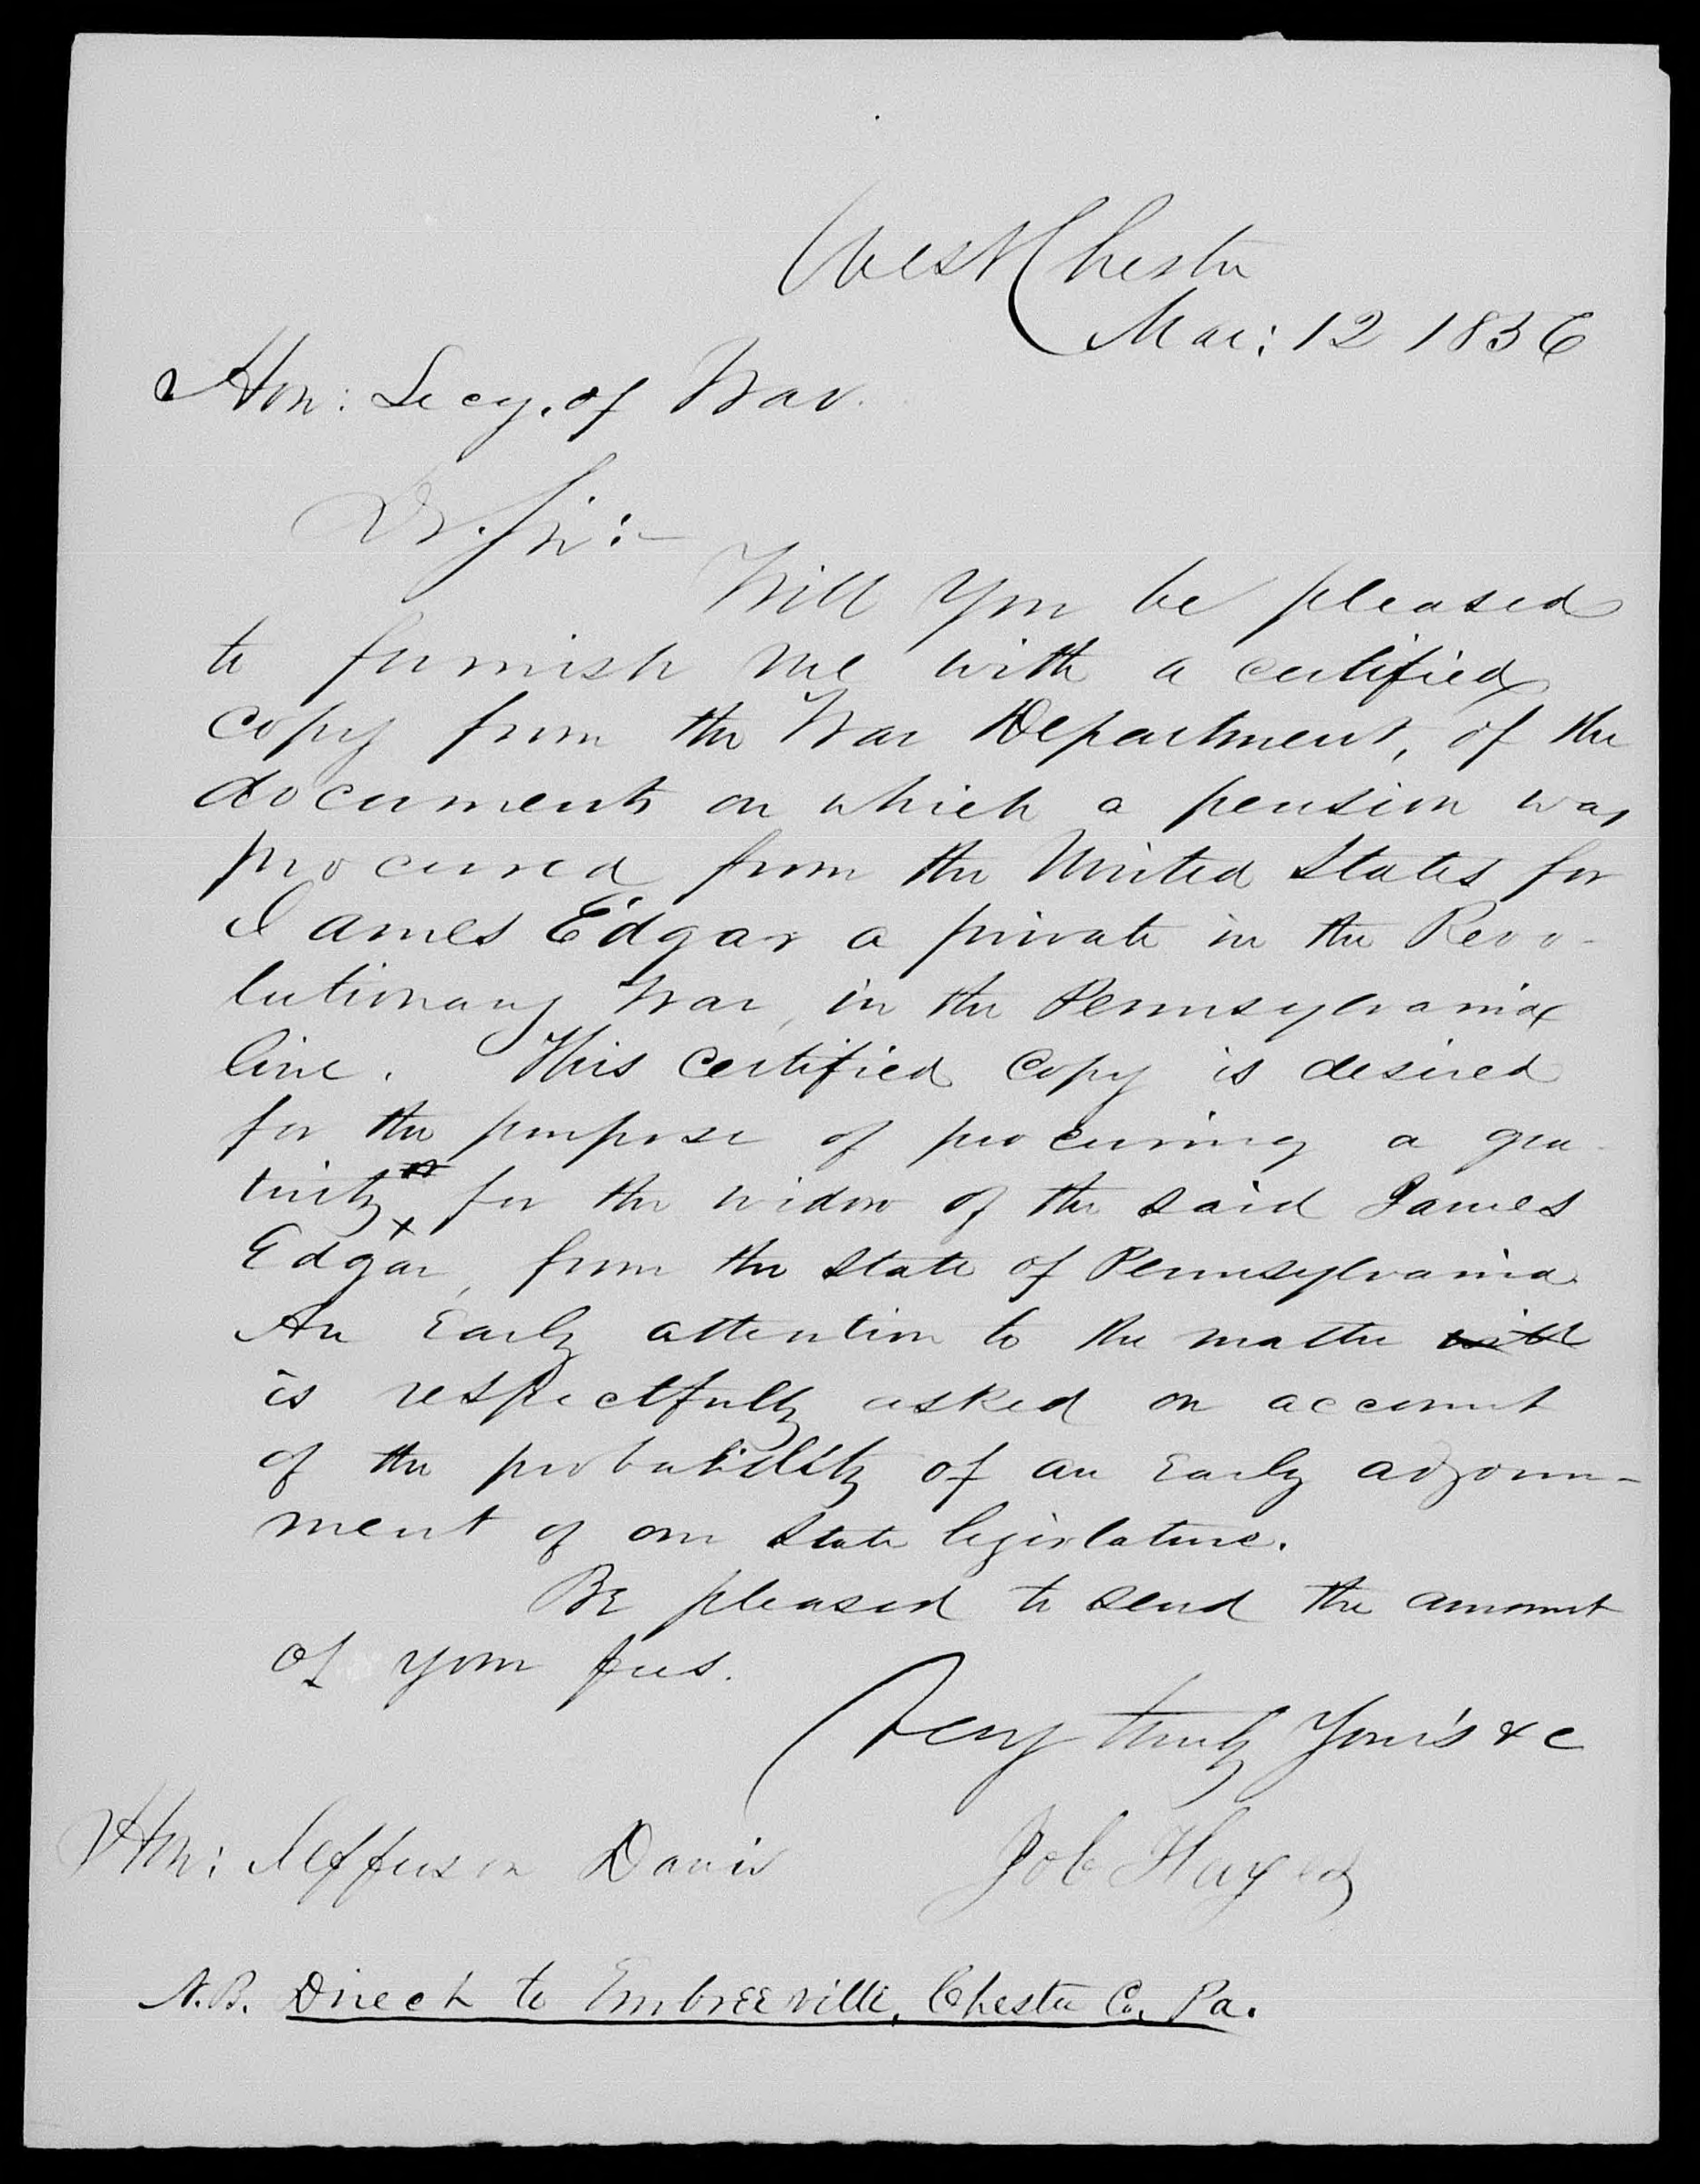West Chester
Mar: 12, 1836
Hon: Secy. of War
Dear Sir: -
Will you be pleased to furnish me with a certified copy from the War Department, of the
documents on which a pension was procured from the United States for James Edgar a private in the Revolutionary War, in the Pennsylvania line. This certified copy is desired for the purpose of procuring a gratuity
for the widow of the said James Edgar, from the State of Pennsylvania
An early attention to the matter with is respectfully asked on account of the probability of an early adjournment of one State legislature.
Be pleased to send the amount of your fees.
Very Truly Yours &c
Hon: Jefferson Davis
Job Hayes
N.B. Direct to Embreeville, Chester Co. Pa.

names: James Edgar, Jefferson Davis, Job Hayes, James Edgar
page: 61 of 74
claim: widow's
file: W. 9422, James Edgar, Penn.